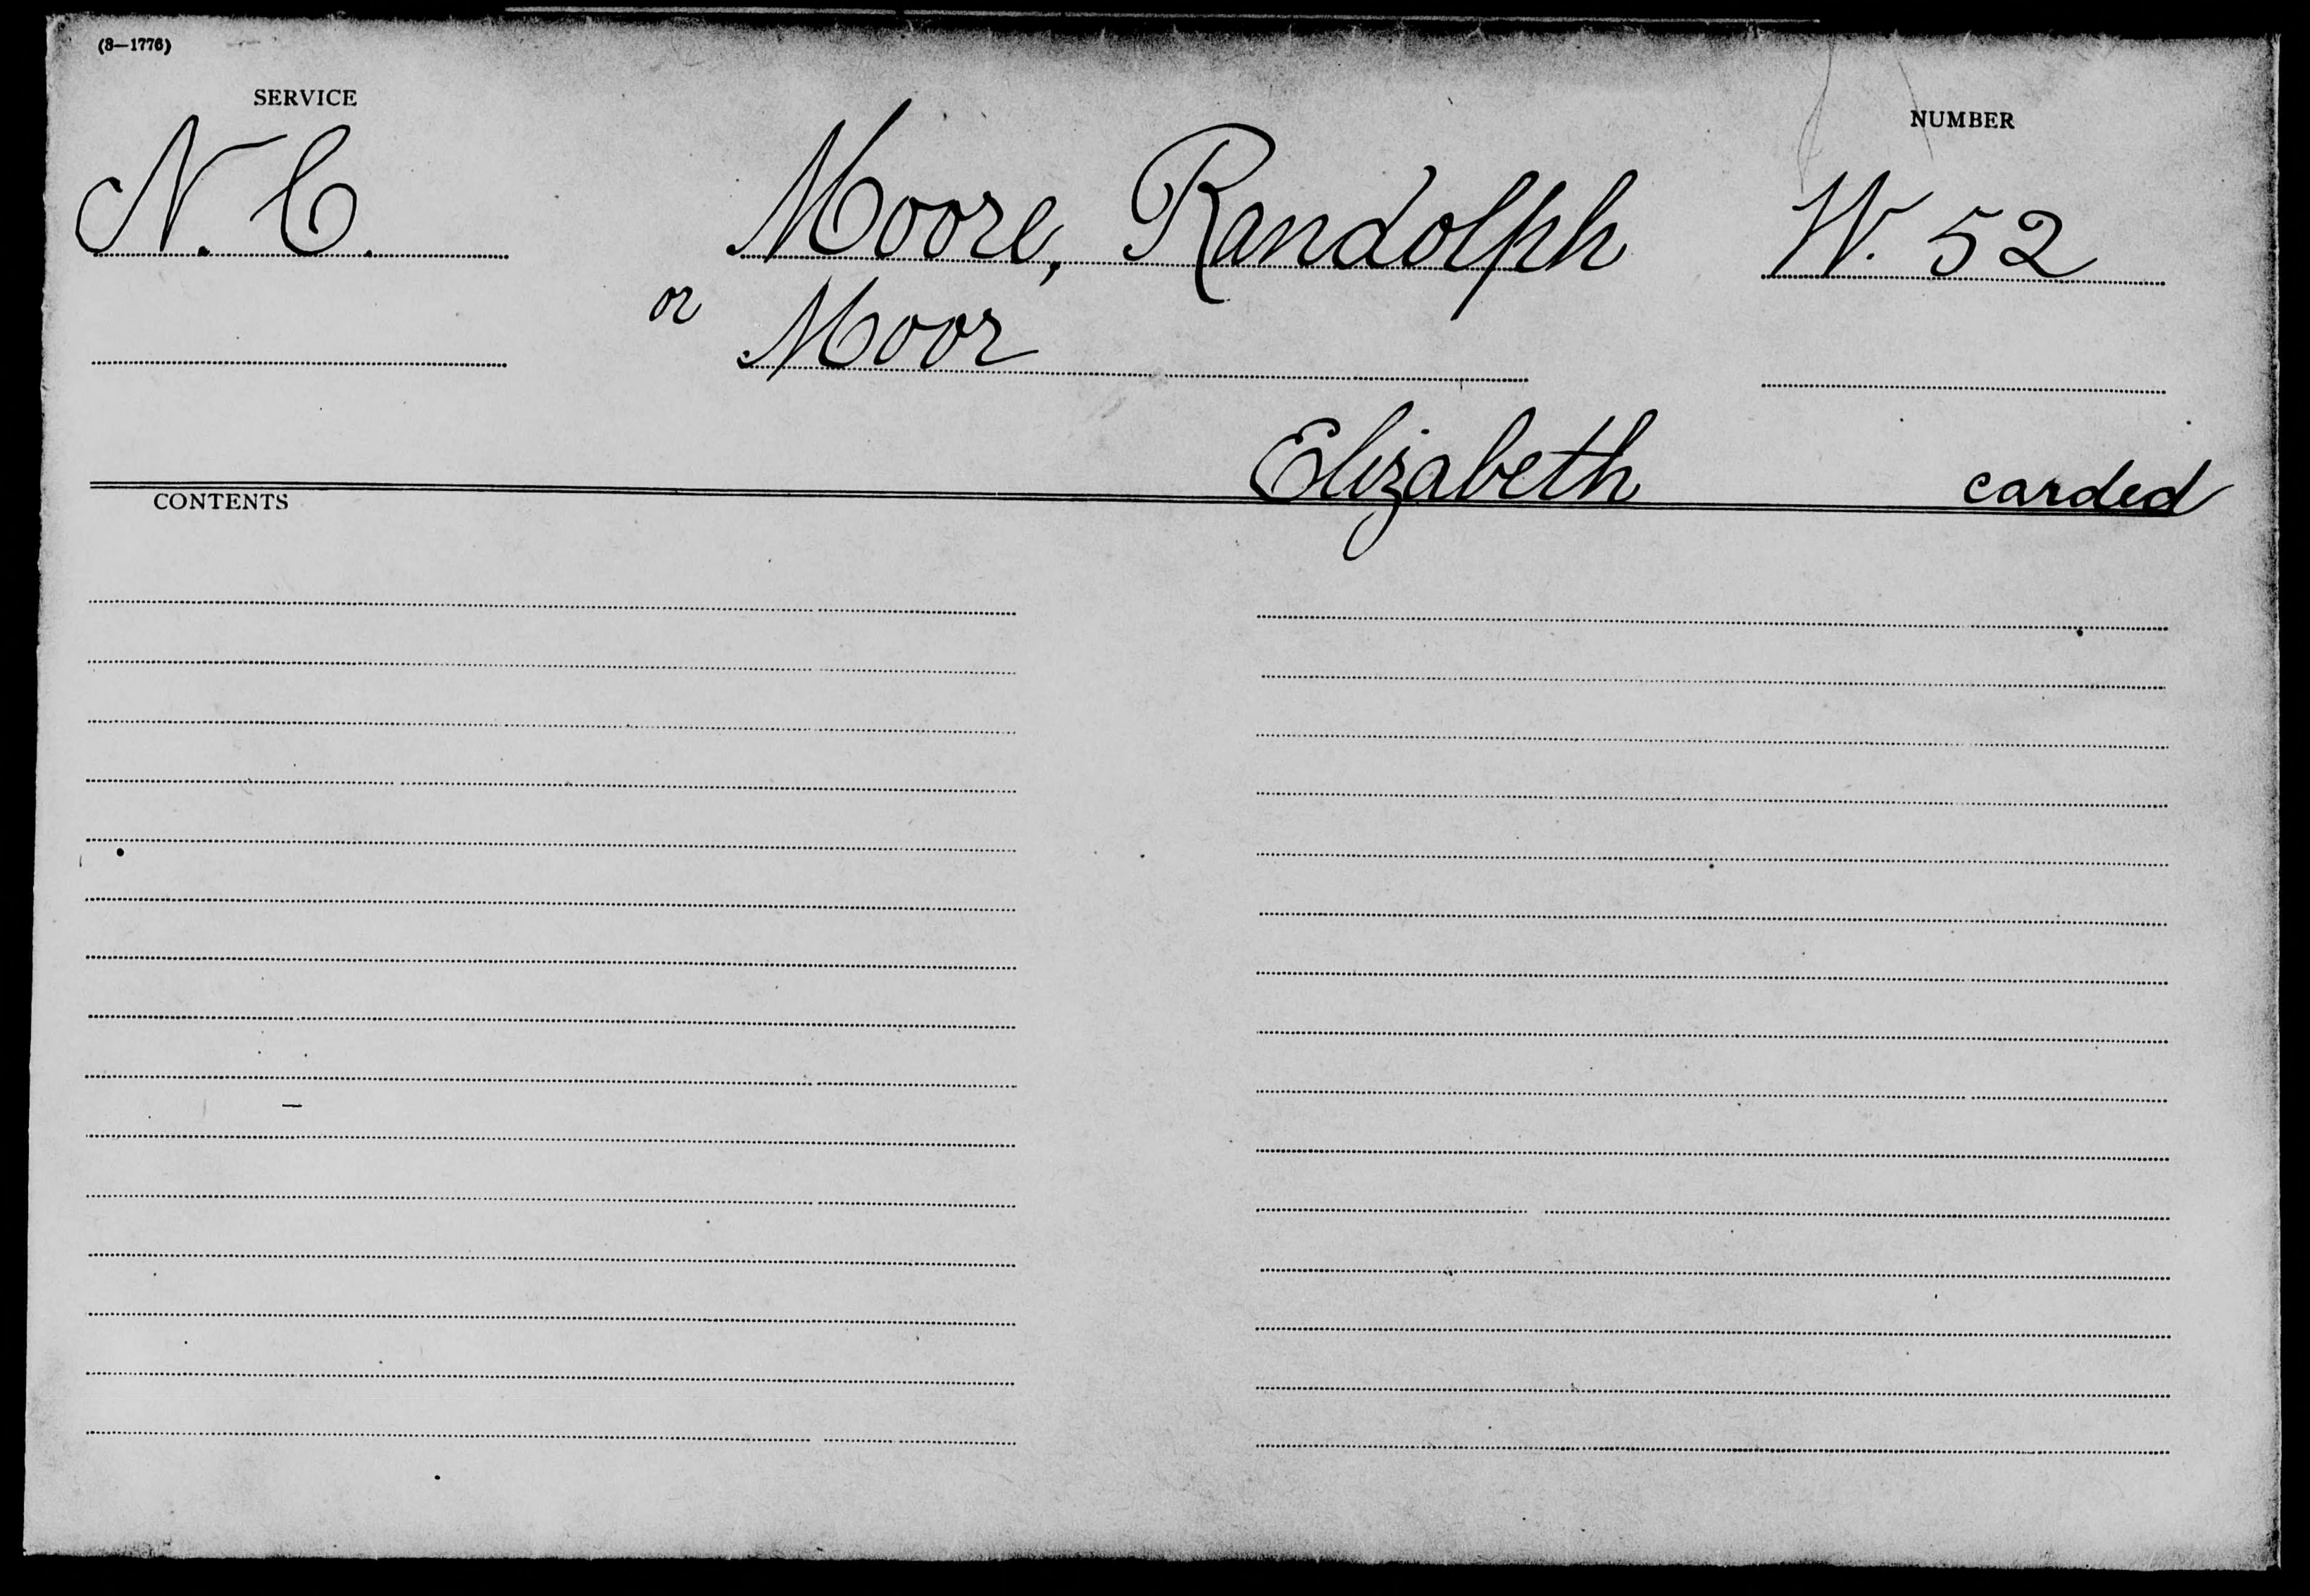SERVICE
N.C.
Moore, Randolph
Moor
Elizabeth
NUMBER 
W. 52
carded
CONTENTS
[blank]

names: Randolph Moor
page: 1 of 33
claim: widow's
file: W. 52, for Randolph Moore, North Carolina